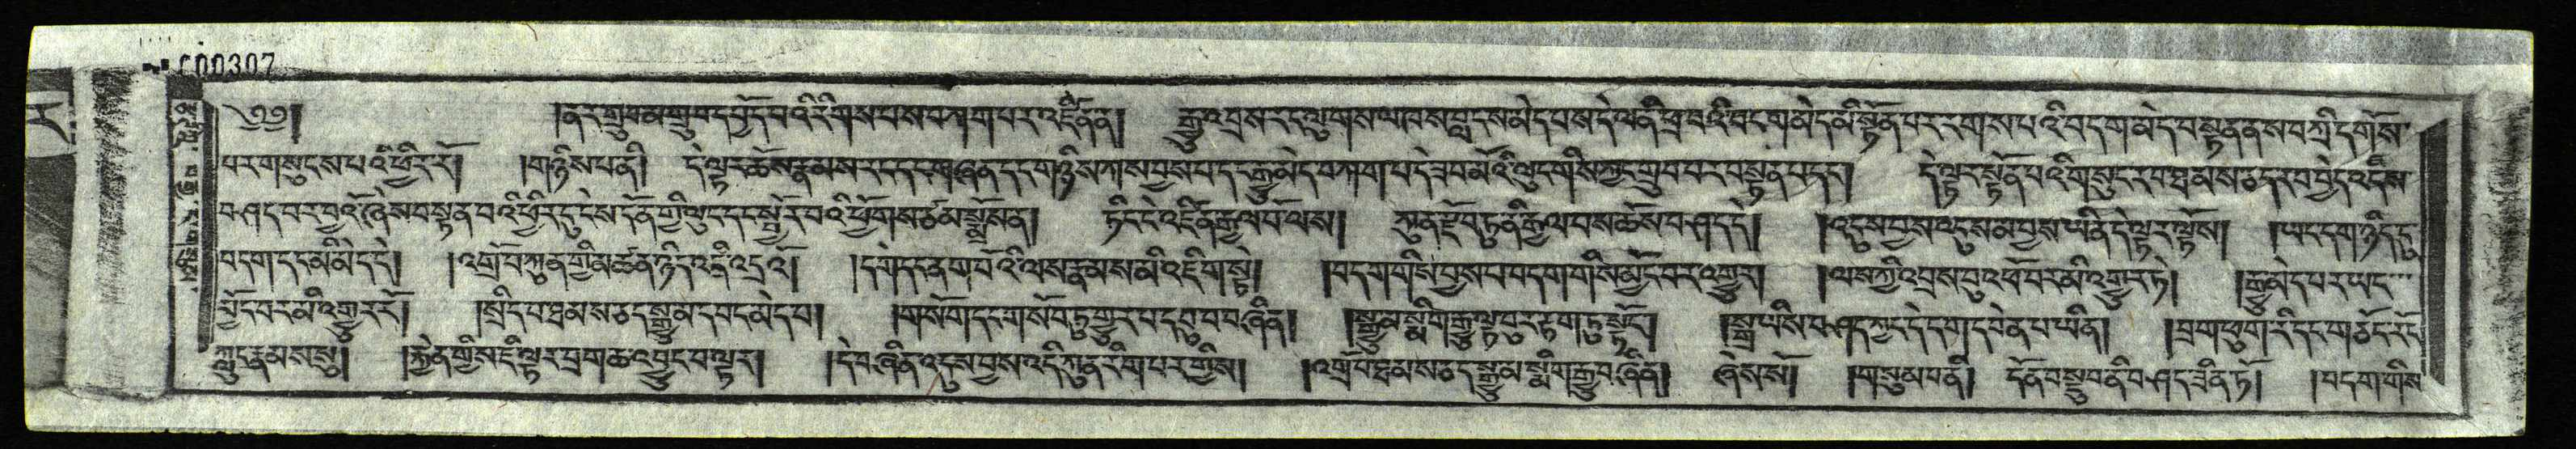༄༅། །ནར་གྲུབ་མ་གྲུབ་དཔྱོད་པའི་རིགས་པས་བཀག་པར་འཛིན་ན། རྒྱུ་འབྲས་རང་ལུགས་ལ་ཁས་བླངས་མེད་པས་དེ་ལ་ནི་ཕྲ་བའི་བདག་མེད་མི་སྟོན་པར་རགས་པའི་བདག་མེད་བསྟན་ནས་བཀྲི་དགོས་
པར་གསུངས་པའི་ཕྱིར་རོ། །གཉིས་པ་ནི། དེ་ལྟར་ཆོས་རྣམས་རང་དང་གཞན་དང་གཉིས་ཀས་བྱས་པ་དང་རྒྱུ་མེད་བཀག་པ་དེ་ཟབ་མོའི་ལུང་གིས་ཀྱང་གྲུབ་པར་བསྟན་པ་དང་། དེ་ལྟར་སྟོན་པའི་གསུང་རབ་ཐམས་ཅད་རབ་བྱེད་འདིས་
བཤད་པར་བྱའོ་ཞེས་བསྟན་པའི་ཕྱིར་དུ་ངེས་དོན་གྱི་ལུང་དང་སྦྱོར་བའི་ཕྱོགས་ཙམ་སྨྲོས་ན། ཏིང་ངེ་འཛིན་རྒྱལ་པོ་ལས། ཀུན་རྫོབ་ཏུ་ནི་རྒྱལ་བས་ཆོས་བཤད་དེ། །འདུས་བྱས་འདུས་མ་བྱས་ཡིན་དེ་ལྟར་ལྟོས། །ཡང་དག་ཉིད་དུ་
བདག་དང་མི་མེད་དེ། །འགྲོ་བ་ཀུན་གྱི་མཚན་ཉིད་འདི་འདྲའོ། །དགེ་དང་ནག་པོའི་ལས་རྣམས་མི་འཇིག་སྟེ། །བདག་གིས་བྱས་པ་བདག་གིས་མྱོང་བར་འགྱུར། །ལས་ཀྱི་འབྲས་བུ་འཕོ་བར་མི་འགྱུར་ཏེ། །རྒྱུ་མེད་པར་ཡང་
མྱོང་བར་མི་འགྱུར་རོ། །སྲིད་པ་ཐམས་ཅད་སྒྱུ་མ་དབང་མེད་པ། །གསོག་དང་གསོབ་ཏུ་གྱུར་པ་དབུ་བ་བཞིན། །སྒྱུ་མ་སྨིག་རྒྱུ་ལྟ་བུར་རྟག་ཏུ་སྟོང་། །སྒྲ་ཡིས་བཤད་ཀྱང་དེ་དག་དབེན་པ་ཡིན། །བྲག་ཕུག་རི་དང་གཅོད་རོང་
ཀླུང་རྣམས་སུ། །རྐྱེན་གྱིས་ཇི་ལྟར་བྲག་ཆ་འབྱུང་བ་ལྟར། །དེ་བཞིན་འདུས་བྱས་འདི་ཀུན་རིག་པར་གྱིས། །འགྲོ་བ་ཐམས་ཅད་སྒྱུ་མ་སྨིག་རྒྱུ་བཞིན། ཞེས་སོ། །གསུམ་པ་ནི། དོན་བསྡུ་བ་ནི་བཤད་ཟིན་ཏོ། །བདག་གིས་